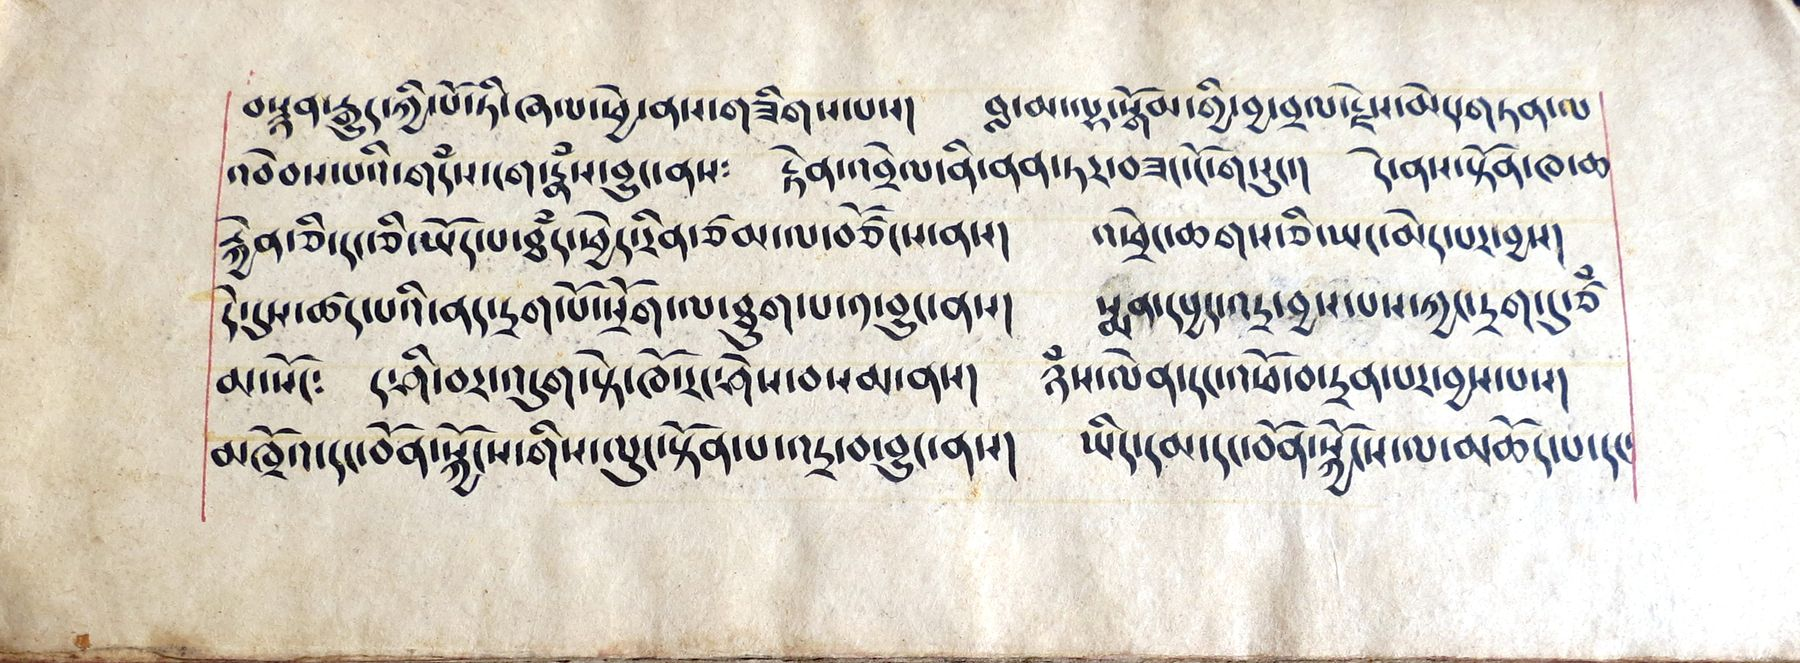སྙན་རྒྱུད་པོ་ཏི་ཞལ་ཕྱེ་ནས་གཟིགས་པས། བླ་མ་ལྷ་སྒོམ་གྱི་བྱ་བྲལ་རྗེས་མེད་གཏན་ལ་
འབེབས་པའི་གདམས་ངག་རྣམས་བྱུང་ནས། རྟེན་འབྲེལ་ནི་ནན་ལྟར་བཟང་ངོ་གསུངས་ནས། དེ་ནས་སྟོན་ཁ་ཆ་
རྐྱེན་ཅི་དང་ཅི་ཡོད་པ་ཐམས་ཅད་ཕྱེད་རིན་ཙམ་ལ་བཙོངས་ནས་། འཕྲེང་ཆགས་ཅི་ཡང་མེད་པར་བྱས། 
དེ་དུས་ཚད་པའི་ནད་དྲག་པོ་སྲོག་ལ་ཐུག་པ་ཞིག་བྱུང་ནས། སྨན་དཔྱད་འདྲ་བྱས་པས་ཀྱང་དྲག་ཏུ་ཙམ་
མ་སོང་། ད་ཤི་བར་འདུག་སྟེ་ཁོ་རང་ཤེས་བསམ་ནས་ཉམས་ལེན་དང་འཕོ་བ་དྲན་པར་བྱས་པས། 
མཁའ་འགྲོ་དང་བོན་སྐྱོང་གིས་ལུང་བསྟན་པ་འདྲ་བ་བྱུང་ནས། ཡི་དམ་དང་བོན་སྐྱོང་ལ་མཆོད་པ་དང་།